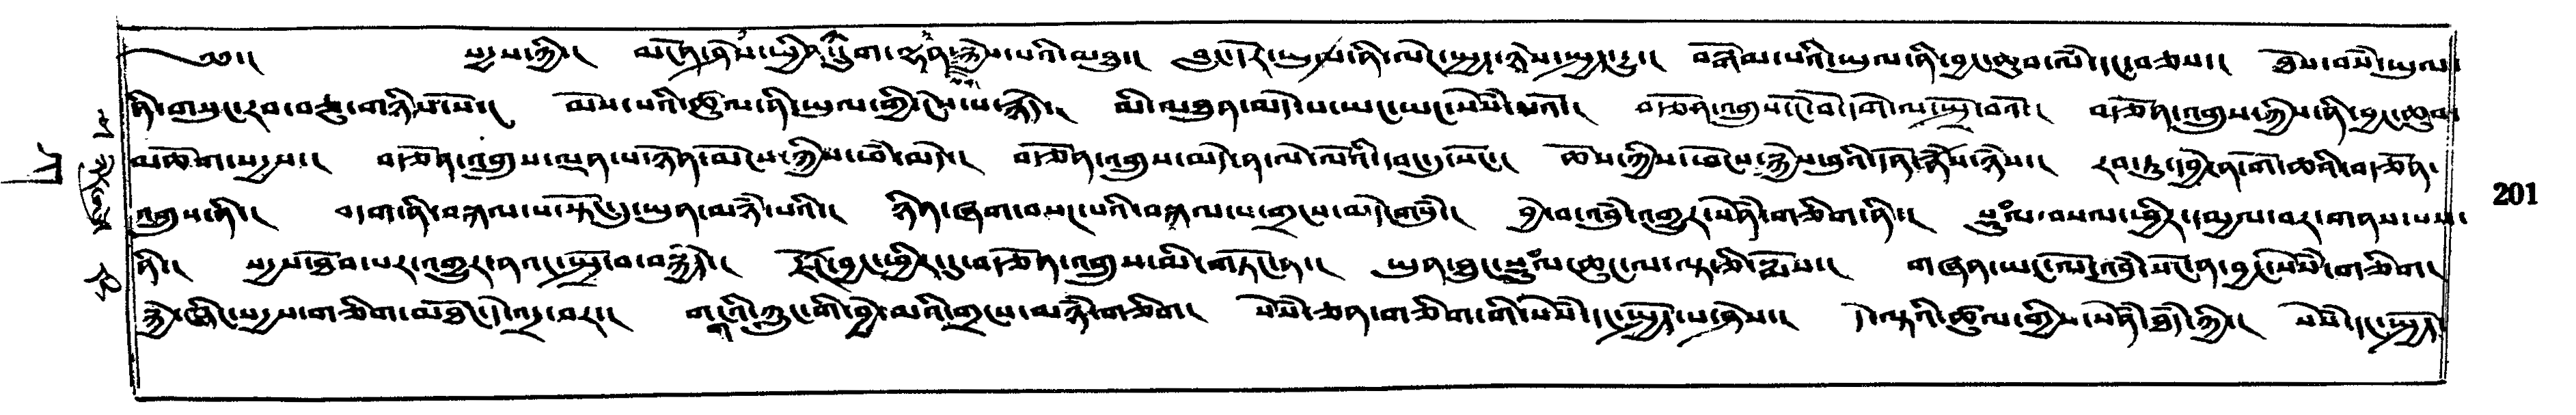སངས་རྒྱས་ཀྱི། །མངོན་ཤེས་ཕྱིན་དྲུག་ལྷན་ཅིག་སྐྱེས་པའི་མཐུ། །བླང་དོར་ཡུལ་ནི་ལེགས་སྤྱད་ཉེས་སྤྱད་རྒྱུ། །བསྒོམ་པའི་ཡུལ་ནི་བྱང་ཆུབ་ལམ་དང་བཅས། །ཐོས་བསམ་ཡུལ་
ནི་གསུང་རབ་བཅུ་གཉིས་སོ། །མོས་པའི་ཚུལ་ནི་ཡུལ་གྱི་ངེས་པ་རྙེད། །མི་མཐུན་མེད་པ་ཡང་ཡང་སེམས་པའོ། །བརྩོན་འགྲུས་ངོ་བོ་དགེ་ལ་སྤྲོ་བའོ། །བརྩོན་འགྲུས་ཀྱིས་ནི་བྱང་ཆུབ་
མཆོག་སངས་རྒྱས། །བརྩོན་འགྲུས་ལྡན་པ་ཉོན་མོངས་ཀྱིས་ཕམ་མེད། །བརྩོན་འགྲུས་མེད་ན་ལེ་ལོའི་དབང་དུ་སོང་། །ཆོས་ཀྱིས་ཕོངས་ཤིང་སྐྱེས་བུའི་དོན་རྣམས་ཉམས། །རབ་ཏུ་དབྱེ་ན་གོ་ཆའི་བརྩོན་
འགྲུས་ནི། །བདག་ནི་བསྐལ་པ་སྟོང་དུ་ཡུན་མཉམ་པའི། །ཉིན་ཞག་བསགས་པའི་བསྐལ་པ་གྲངས་མེད་གསུམ། །བྱེ་བ་འབུམ་འགྱུར་སེམས་ཅན་གཅིག་ལ་ནི། །སྡུག་བསྔལ་བསལ་ཕྱིར་དམྱལ་བར་གནས་པས་
ནི། །སངས་རྒྱས་འཐོབ་པར་འགྱུར་ནའང་སྤྲོ་བ་བསྐྱེད། །རྫོགས་བྱང་ཕྱིར་དུ་བརྩོན་འགྲུས་མི་གཏོང་ན། །ཡུན་ཐུང་སྡུག་བསྔལ་ཆུང་ལ་ལྟ་ཅི་སྨོས། །གཞན་ཡང་ལོ་འབུམ་སོང་ན་བྱང་སེམས་གཅིག །
སྐྱེ་ཞིང་སངས་རྒྱས་གཅིག་མཐོང་དེ་འདྲ་བར། །གངྒའི་ཀླུང་གི་བྱེ་མའི་གྲངས་མཉམ་གཅིག།སེམས་ཅན་གཅིག་གི་སེམས་དང་སྤྱོད་པ་ཤེས། །དེ་ལྟའི་ཚུལ་གྱིས་སེམས་ཅན་ཐམས་ཅད་ཀྱི། །སེམས་དང་སྤྱོད་